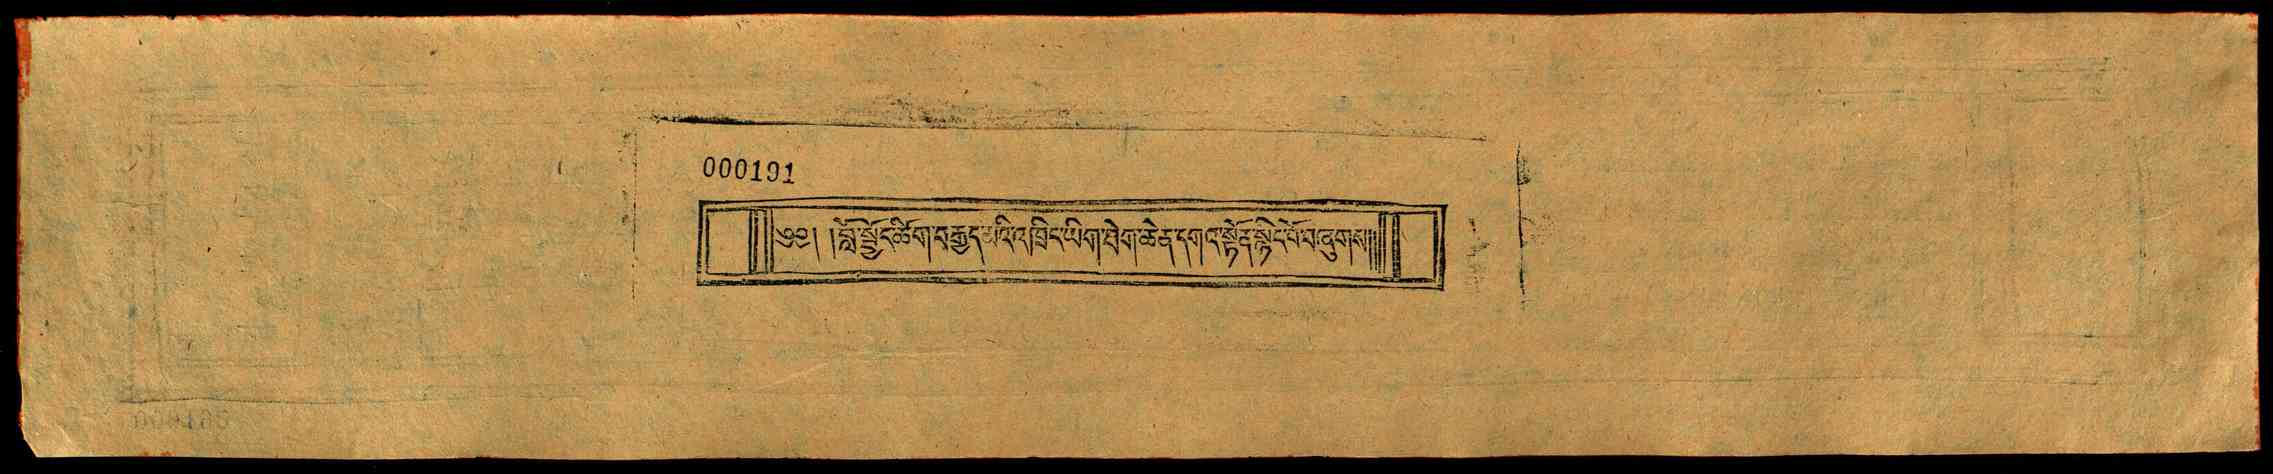༄༅། །བློ་སྦྱོང་ཚིག་བརྒྱད་མའི་འཁྲིད་ཡིག་ཐེག་ཆེན་དགའ་སྟོན་སྙིང་པོ་བཞུགས།།